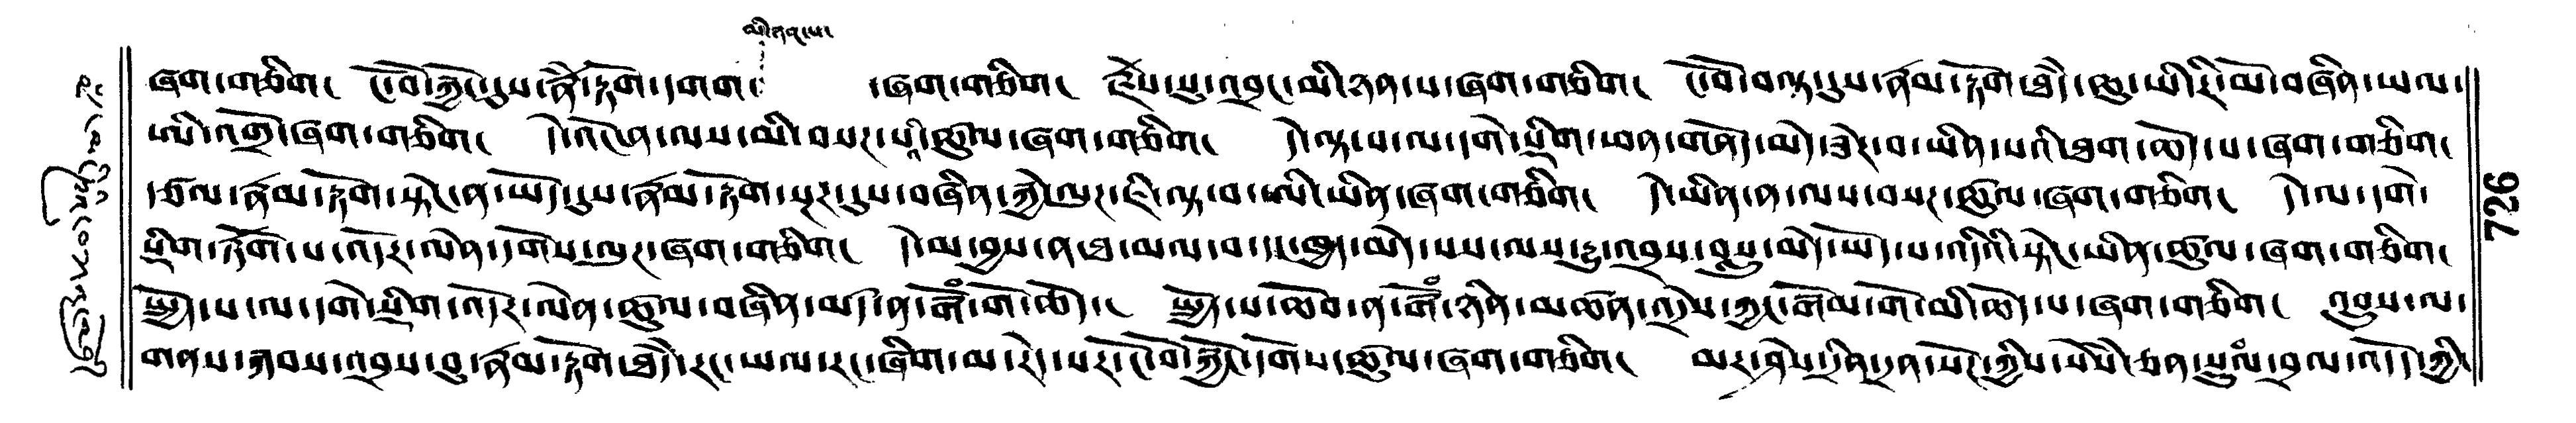ཞག་གཅིག ངོ་བོ་སྐྱོང་དུས་རྣམ་རྟོག་དགག་ཞག་གཅིག རྗེས་སུ་འབྲང་མི་ཉན་པ་ཞག་གཅིག ངོ་བོ་བལྟ་དུས་རྣམ་རྟོག་ཐམས་ཅད་ཆུ་ཡི་རི་མོ་བཞིན་ཡལ་
ཨི་འགྲོ་ཞག་གཅིག དེ་འོང་ན་ལས་མི་གསོག་པའི་ཚུལ་ཞག་གཅིག དེ་ལྟ་པ་ལ་དགེ་སྡིག་ཕན་གནོད་མེད་ཟེར་བ་ཡིན་པའི་ཐག་ཆོད་པ་ཞག་གཅིག 
རྩལ་རྣམ་རྟོག་སྟེང་ན་ཡོད་དུས་རྣམ་རྟོག་སྔར་དུས་བཞིན་སྐྱེ་ལུགས་ཇི་ལྟ་བ་ཨི་ཡིན་ཞག་གཅིག དེ་ཡིན་ན་ལས་བསག་ཚུལ་ཞག་གཅིག དེ་ལ་དགེ་
སྡིག་རྟོག་པ་འདོར་ལེན་དགོས་ལུགས་ཞག་གཅིག དེ་མ་བྱས་ན་ཐ་མལ་བ་དང་ཁྱད་མེད་པས་ལས་རྒྱུ་འབྲས་བསླུ་མེད་ཡོད་པ་འདིའི་སྟེང་ཡིན་ཚུལ་ཞག་གཅིག
སྤྱོད་པ་ལ་དགེ་སྡིག་འདོར་ལེན་ཚུལ་བཞིན་མཛད་ན་སྒོམ་གོ་ཆོད། སྤྱོད་པ་ཆོས་ན་སྒོམ་ཉིན་མཚན་འདྲེས་ཀྱང་སྒོམ་གོ་མི་ཆོད་པ་ཞག་གཅིག འབྲས་བུ་ལ་
གནས་སྐབས་འབྲས་བུ་རྣམ་རྟོག་ཐམས་ཅད་རང་ཡལ་རང་ཞིག་མ་རེད་པར་ངོ་བོ་སྐྱོང་དགོས་ཚུལ་ཞག་གཅིག མར་ཤེས་དྲིན་དྲན་སོགས་ཀྱིས་སེམས་ཅན་སྡུག་བསྔལ་བྲལ་འདོད་ཀྱི་